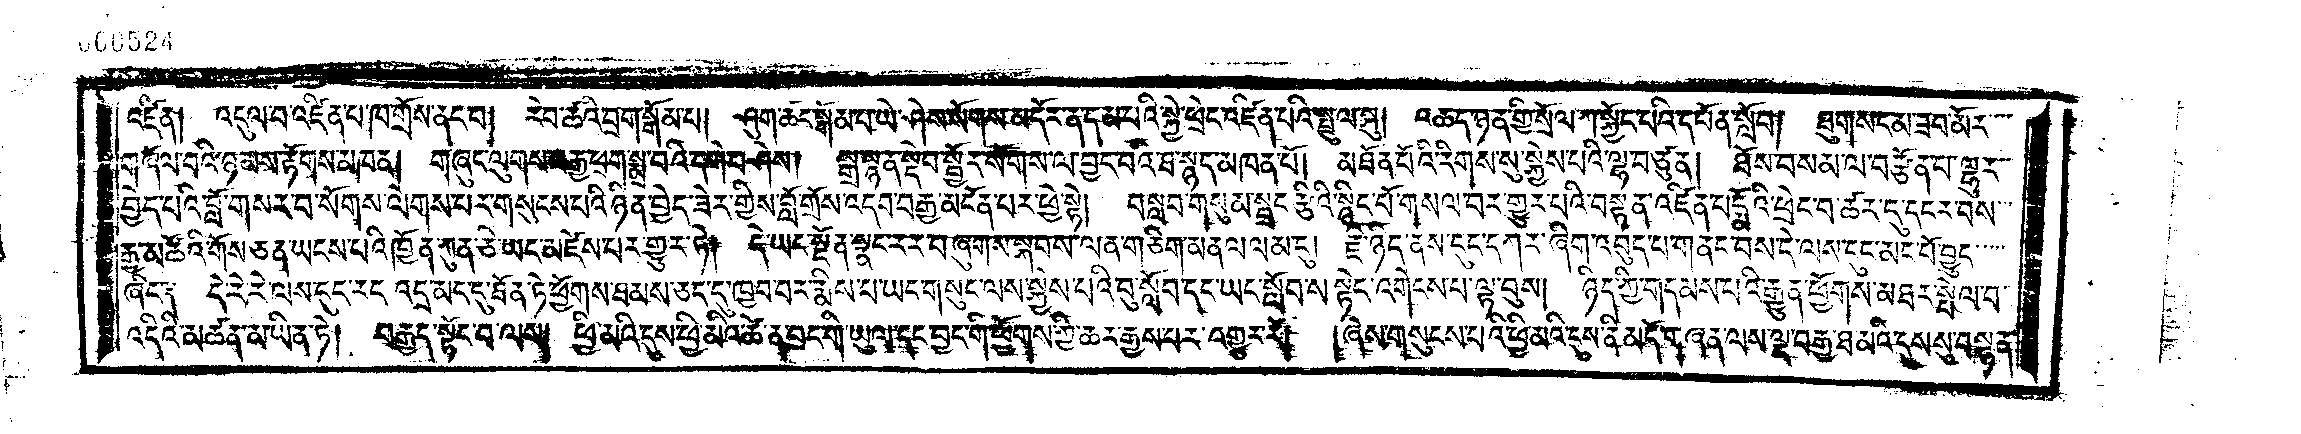འཛིན། འདུལ་བ་འཛིན་པ་ཁ་གྲོས་ནང་བ། རེབ་ཚའི་བྲག་སྒོམ་པ། ཤུག་ཚང་སྒོམ་པ་ཡེ་ཤེས་སོགས་མདོར་ན་དམ་པའི་སྐྱེ་ཕྲེང་འཛིན་པའི་སྤྲུལ་སྐུ། འཆད་ཉན་གྱི་སྲོལ་ཀ་སྐྱོང་བའི་དཔོན་སློབ། ཐུགས་དམ་ཟབ་མོར་
གཞོལ་བའི་ཉམས་རྟོགས་མཁན། གཞུང་ལུགས་བརྒྱ་ཕྲག་སྨྲ་བའི་དགེ་བཤེས། སྒྲ་སྙན་སྡེབ་སྦྱོར་སོགས་ལ་བྱང་བའི་ཐ་སྙད་མཁན་པོ། མཐོན་པོའི་རིགས་སུ་སྐྱེས་པའི་ལྷ་བཙུན། ཐོས་བསམ་ལ་བརྩོན་པ་ལྷུར་
བྱེད་པའི་བློ་གསར་བ་སོགས་ལེགས་པར་གསུངས་པའི་ཉིན་བྱེད་ཟེར་གྱིས་བློ་གྲོས་འདབ་བརྒྱ་མངོན་པར་ཕྱེ་སྟེ། བསླབ་གསུམ་སྦྲང་རྩིའི་སྙིང་པོ་གསལ་བར་གྱུར་པའི་བསྟན་འཛིན་པདམོའི་ཕྲེང་བ་ཚར་དུ་དངར་བས་
རྒྱ་མཚོའི་གོས་ཅན་ཡངས་པའི་ཁྱོན་ཀུན་ཅི་ཡང་མཛེས་པར་གྱུར་ཏེ། དེ་ཡང་སྔོན་སྣང་རར་བཞུགས་སྐབས་ལན་གཅིག་མནལ་ལམ་དུ། རྗེ་ཉིད་ནས་དུང་དཀར་ཞིག་འབུད་པ་གནང་བས་དེ་ལས་དུང་མང་པོ་བྱུང་
ཞིང༑ དེ་རེ་རེ་ལས་དུང་རང་འདྲ་མང་དུ་ཐོན་ཏེ་ཕྱོགས་ཐམས་ཅད་དུ་ཁྱབ་པར་རྨིས་པ་ཡང་གསུང་ལས་སྐྱེས་པའི་བུ་སློབ་དང་ཡང་སློབ་ས་སྟེང་འགེངས་པ་ལྟ་བུས། ཉིད་ཀྱི་གདམས་པའི་རྒྱུན་ཕྱོགས་མཐར་སྤེལ་བ་
འདིའི་མཚན་མ་ཡིན་ཏེ། བརྒྱད་སྟོང་པ་ལས། ཕྱི་མའི་དུས་ཕྱི་མིའི་ཚེ་ན་བྱང་གི་ཡུལ་དང་བྱང་གི་ཕྱོགས་ཀྱི་ཆར་རྒྱས་པར་འགྱུར་རོ། །ཞེས་གསུངས་པའི་ཕྱི་མའི་དུས་ནི་མདོ་གཞན་ལས་ལྔ་བརྒྱ་ཐ་མའི་དུས་སུ་བསྟན་